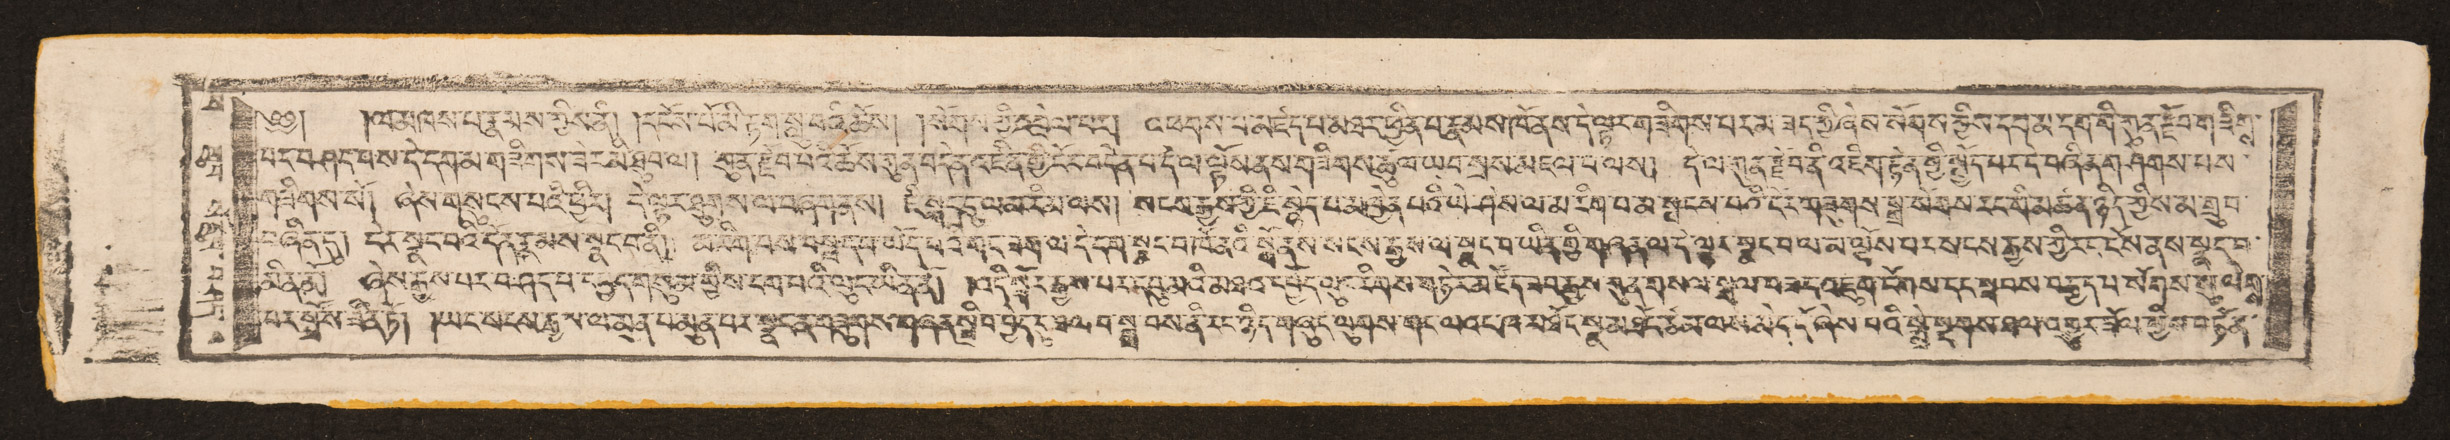༄༅། །ལ་མཁས་པ་རྣམས་ཀྱིས་ནི། །དངོས་པོ་མི་རྟག་སླུ་བའི་ཆོས། །སོགས་ཀྱི་འགྲེལ་པར། འཕགས་པ་མཛད་པ་མཐར་ཕྱིན་པ་རྣམས་ཁོ་ནས་དེ་ལྟར་གཟིགས་པར་མ་ཟད་ཀྱི་ཞེས་སོགས་ཀྱིས་དབམ་དག་གི་ཀུན་རྫོབ་གཟིགས་
པར་བཤད་པས་དེ་དག་མ་གཟིགས་ཟེར་མི་ཐུབ་ལ། ཀུན་རྫོབ་པའི་ཆོས་ཀུན་བདེན་འཛིན་གྱི་ངོར་བདེན་པ་དེ་ལ་ལྟོས་ནས་གཟིགས་ཚུལ་ཡབ་སྲས་མཇལ་བ་ལས། དེ་ལ་ཀུན་རྫོབ་ནི་འཇིག་རྟེན་གྱི་སྤྱོད་པར་དེ་བཞིན་གཤེགས་པས་
གཟིགས་སོ། ཞེས་གསུངས་པའི་ཕྱིར། དེ་ལྟར་ཐུགས་ལ་བཞག་ནས། ཇི་སྐད་དུ་ལམ་རིམ་ལས། སངས་རྒྱས་ཀྱི་ཇི་སྙེད་པ་མཁྱེན་པའི་ཡེ་ཤེས་ལམ་རིག་པ་མ་སྤངས་པའི་ངོར་གཟུགས་སྒྲ་སོགས་རང་གི་མཚན་ཉིད་ཀྱིས་མ་གྲུབ་
བཞིན་དུ། ངེར་སྣང་བའི་དོན་རྣམས་སྣང་བ་ནི། མ་རིག་པས་བསླད་པ་ཡོད་པའི་གང་ཟག་ལ་དེ་དག་སྣང་བ་ཁོ་ནའི་སྒོ་ནས་སངས་རྒྱས་ལ་སྣང་བ་ཡིན་གྱི་གཞན་ལ་དེ་ལྟར་སྣང་བ་ལ་མ་ལྟོས་པར་སངས་རྒྱས་ཀྱི་རང་ངོས་ནས་སྣང་བ་
མིན་ནོ། ཞེས་རྒྱས་པར་བཤད་པ་དཔྱད་གསུམ་གྱིས་དག་པའི་ལུང་ཡིན་ནོ། །འདི་སྐོར་རྒྱས་པར་དབུ་མའི་མཐའ་དཔྱོད་ལུང་རིགས་གཏེར་མཛོད་ཟབ་རྒྱས་ཀུན་གསལ་སྐལ་བཟང་འཇུག་དོགས་དང་སྐབས་བརྒྱད་པ་སོགས་སུ་ལེགས་
བར་སྤྲོས་ཟིན་ཏོ། །ཡང་སངས་རྒྱས་ལ་མུན་པ་མུན་པར་སྣང་ན་གཟུགས་གཞན་སྒྲིབ་བྱེད་དུ་ཐལ་བ་སྨྲ་བས་ནི་རང་ཉིད་གཞུང་ལུགས་གང་ལའང་ཁ་མཐོང་སྣ་མཐོང་ཙམ་ལས་མེད་དོ་ཞེས་པའི་སྨྲེ་སྔགས་ཐལ་འགྱུར་ཟོལ་གྱིས་བཏོན་